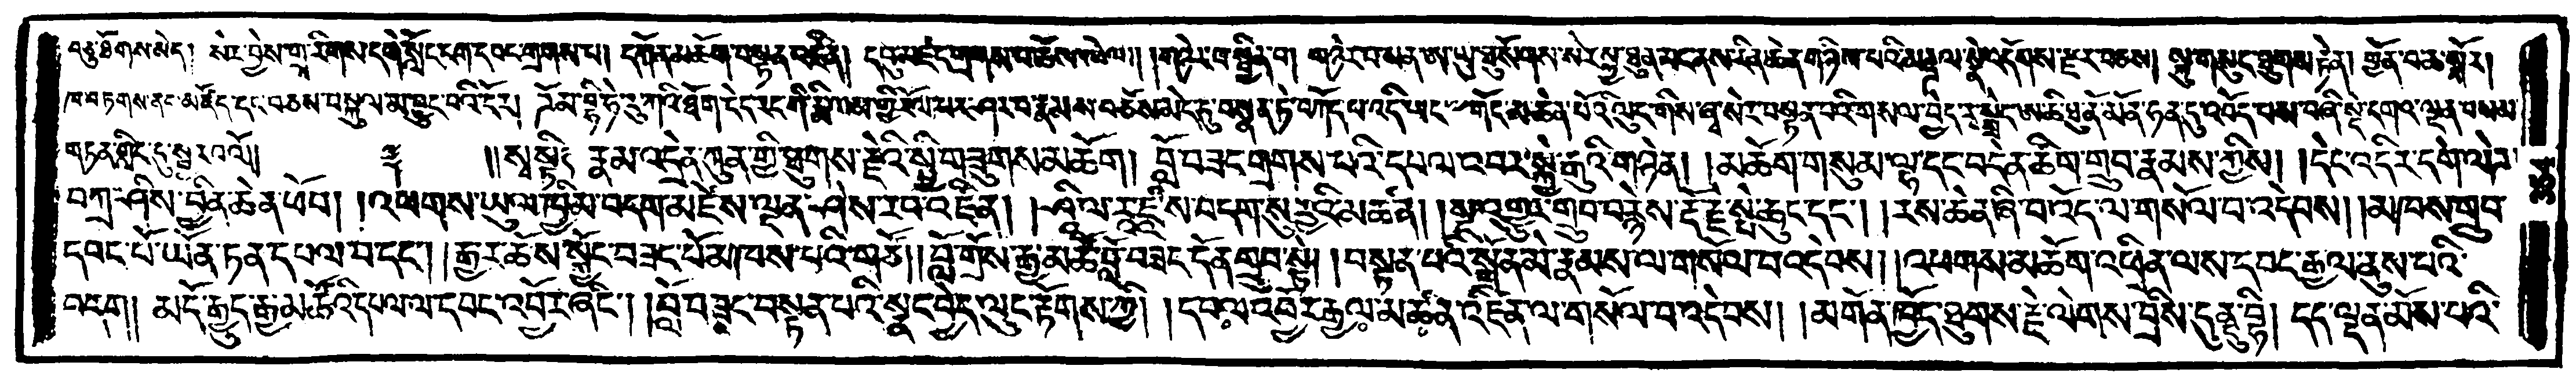བཅུ་ཐོགས་མེད། སེར་བྱེས་གྲྭ་རིགས་དགེ་སློང་ངག་དབང་གྲགས་པ། དཀོན་མཆོག་བསྟན་འཛིན། དབུ་མཛད་གྲགས་པ་ཆོས་འཕེལ། །གཉེར་བ་སྦྱིན་པ། གཉེར་བ་སན་ཨ་ཡུ་ཐུ་སོགས་སེར་སྐྱ་ཐུན་མང་ནས་རིན་ཆེན་གཉིས་པའི་མཎྜལ་སྣེ་འདོགས་རྫར་བཅས། སྐུ་གསུང་ཐུགས་རྟེན། གྱོན་བ་ཆ་སྐོར།
ཁ་བཏགས་ནང་མཛོད་དང་བཅས་བསྐུལ་མ་བྱུང་བའི་ངོར། ཌོམ་བྷི་ཧེ་རུ་ཀའི་ཐོག་ངེད་རང་གི་རྨི་ལམ་གྱི་རོལ་པར་ཤར་བ་རྣམས་བཅོས་མེད་དུ་བསྣན་ཏེ་བཀོད་པ་འདི་ཡང ༧་གོང་མ་ཆེན་པོའི་ལུང་གིས་ཞྭ་སེར་བསྟན་པའི་གསལ་བྱེད་རྭ་སྒྲེང་ཨ་ཆི་ཐུ་ནོ་མོན་ཧན་དུ་འབོད་པས་བཞི་སྡེ་དགའ་ལྡན་བསམ་
གཏན་གླིང་དུ་སྦྱར་བའོ།། ༈ །།སྭ་སྟི། རྣམ་འདྲེན་ཀུན་གྱི་ཐུགས་རྗེའི་སྤྱི་གཟུགས་མཆོག །བློ་བཟང་གྲགས་པའི་དཔལ་འབར་སྐྱེ་རྒུའི་གཉེན། །མཆོག་གསུམ་ལྷ་དང་བདེན་ཚིག་གྲུབ་རྣམས་ཀྱིས། །དེང་འདིར་དགེ་ལེགས་
བཀྲ་ཤིས་བྱིན་ཆེན་ཕོབ། །འཕགས་ཡུལ་ཁྱིམ་བདག་མཛེས་ལྡན་ཤེས་རབ་འཛིན། །ཤཱི་ལ་རཱ་ཛཱ་ས་བདག་སུ་རྱའི་མཚན། །སྔ་འགྱུར་གྲུབ་བརྙེས་རྡོ་རྗེ་སྤེ་ཆུང་དང་། །རས་ཆེན་ཞི་བ་འོད་ལ་གསོལ་བ་འདེབས། །མཁས་གྲུབ་
དབང་པོ་ཡོན་ཏན་དཔལ་བ་དང་། །རྒྱ་ར་ཆོས་སྐྱོང་བཟང་པོ་མཁས་པའི་གཙོ། །བློ་གྲོས་རྒྱ་མཚོ་བློ་བཟང་དོན་གྲུབ་སྟེ། །བསྟན་པའི་སྒྲོན་མེ་རྣམས་ལ་གསོལ་བ་འདེབས། །འཕགས་མཆོག་འཕྲིན་ལས་དབང་རྒྱལ་ནུས་པའི་
བདག །མདོ་རྒྱུད་རྒྱ་མཚོའི་དཔལ་ལ་དབང་འབྱོར་ཞིང་། །བློ་བཟང་བསྟན་པའི་སྣང་བྱེད་ལུང་རྟོགས་ཀྱི། །དཔལ་འབྱོར་རྒྱལ་མཚན་འཛིན་ལ་གསོལ་བ་འདེབས། །མགོན་ཁྱོད་ཐུགས་རྗེ་ལེགས་བྲིས་དུནྡུ་བྷི། དད་ལྡན་མོས་པའི་